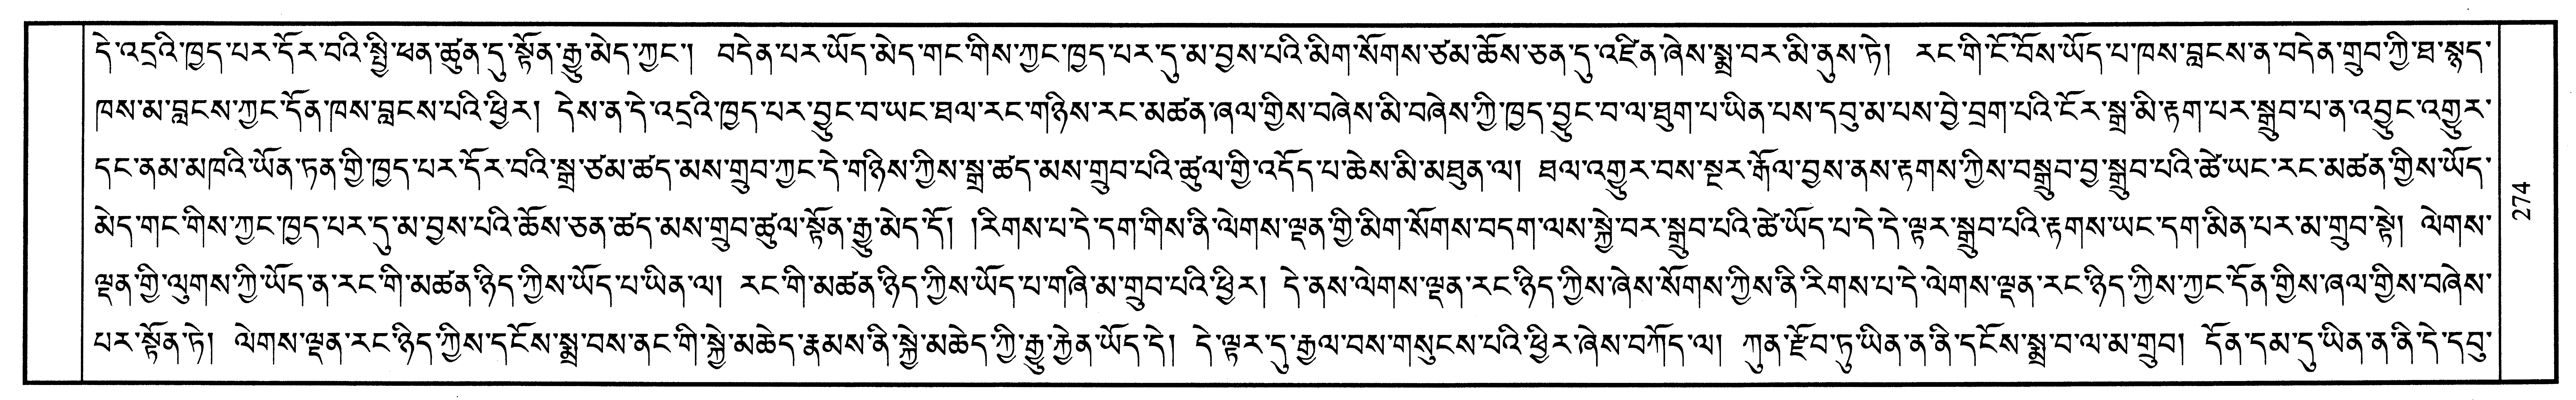དེ་འདྲའི་ཁྱད་པར་དོར་བའི་སྤྱི་ཕན་ཚུན་དུ་སྟོན་རྒྱུ་མེད་ཀྱང་། བདེན་པར་ཡོད་མེད་གང་གིས་ཀྱང་ཁྱད་པར་དུ་མ་བྱས་པའི་མིག་སོགས་ཙམ་ཆོས་ཅན་དུ་འཛིན་ཞེས་སྨྲ་བར་མི་ནུས་ཏེ། རང་གི་ངོ་བོས་ཡོད་པ་ཁས་བླངས་ན་བདེན་གྲུབ་ཀྱི་ཐ་སྙད་
ཁས་མ་བླངས་ཀྱང་དོན་ཁས་བླངས་པའི་ཕྱིར། དེས་ན་དེ་འདྲའི་ཁྱད་པར་བྱུང་བ་ཡང་ཐལ་རང་གཉིས་རང་མཚན་ཞལ་གྱིས་བཞེས་མི་བཞེས་ཀྱི་ཁྱད་བྱུང་བ་ལ་ཐུག་པ་ཡིན་པས་དབུ་མ་པས་བྱེ་བྲག་པའི་ངོར་སྒྲ་མི་རྟག་པར་སྒྲུབ་པ་ན་འབྱུང་འགྱུར་
དང་ནམ་མཁའི་ཡོན་ཏན་གྱི་ཁྱད་པར་དོར་བའི་སྒྲ་ཙམ་ཚད་མས་གྲུབ་ཀྱང་དེ་གཉིས་ཀྱིས་སྒྲ་ཚད་མས་གྲུབ་པའི་ཚུལ་གྱི་འདོད་པ་ཆེས་མི་མཐུན་ལ། ཐལ་འགྱུར་བས་སྔར་རྒོལ་བྱས་ནས་རྟགས་ཀྱིས་བསྒྲུབ་བྱ་སྒྲུབ་པའི་ཚེ་ཡང་རང་མཚན་གྱིས་ཡོད་
མེད་གང་གིས་ཀྱང་ཁྱད་པར་དུ་མ་བྱས་པའི་ཆོས་ཅན་ཚད་མས་གྲུབ་ཚུལ་སྟོན་རྒྱུ་མེད་དོ། །རིགས་པ་དེ་དག་གིས་ནི་ལེགས་ལྡན་གྱི་མིག་སོགས་བདག་ལས་སྐྱེ་བར་སྒྲུབ་པའི་ཚེ་ཡོད་པ་དེ་དེ་ལྟར་སྒྲུབ་པའི་རྟགས་ཡང་དག་མིན་པར་མ་གྲུབ་སྟེ། ལེགས་
ལྡན་གྱི་ལུགས་ཀྱི་ཡོད་ན་རང་གི་མཚན་ཉིད་ཀྱིས་ཡོད་པ་ཡིན་ལ། རང་གི་མཚན་ཉིད་ཀྱིས་ཡོད་པ་གཞི་མ་གྲུབ་པའི་ཕྱིར། དེ་ནས་ལེགས་ལྡན་རང་ཉིད་ཀྱིས་ཞེས་སོགས་ཀྱིས་ནི་རིགས་པ་དེ་ལེགས་ལྡན་རང་ཉིད་ཀྱིས་ཀྱང་དོན་གྱིས་ཞལ་གྱིས་བཞེས་
པར་སྟོན་ཏེ། ལེགས་ལྡན་རང་ཉིད་ཀྱིས་དངོས་སྨྲ་བས་ནང་གི་སྐྱེ་མཆེད་རྣམས་ནི་སྐྱེ་མཆེད་ཀྱི་རྒྱུ་རྐྱེན་ཡོད་དེ། དེ་ལྟར་དུ་རྒྱལ་བས་གསུངས་པའི་ཕྱིར་ཞེས་བཀོད་ལ། ཀུན་རྫོབ་ཏུ་ཡིན་ན་ནི་དངོས་སྨྲ་བ་ལ་མ་གྲུབ། དོན་དམ་དུ་ཡིན་ན་ནི་དེ་དབུ་